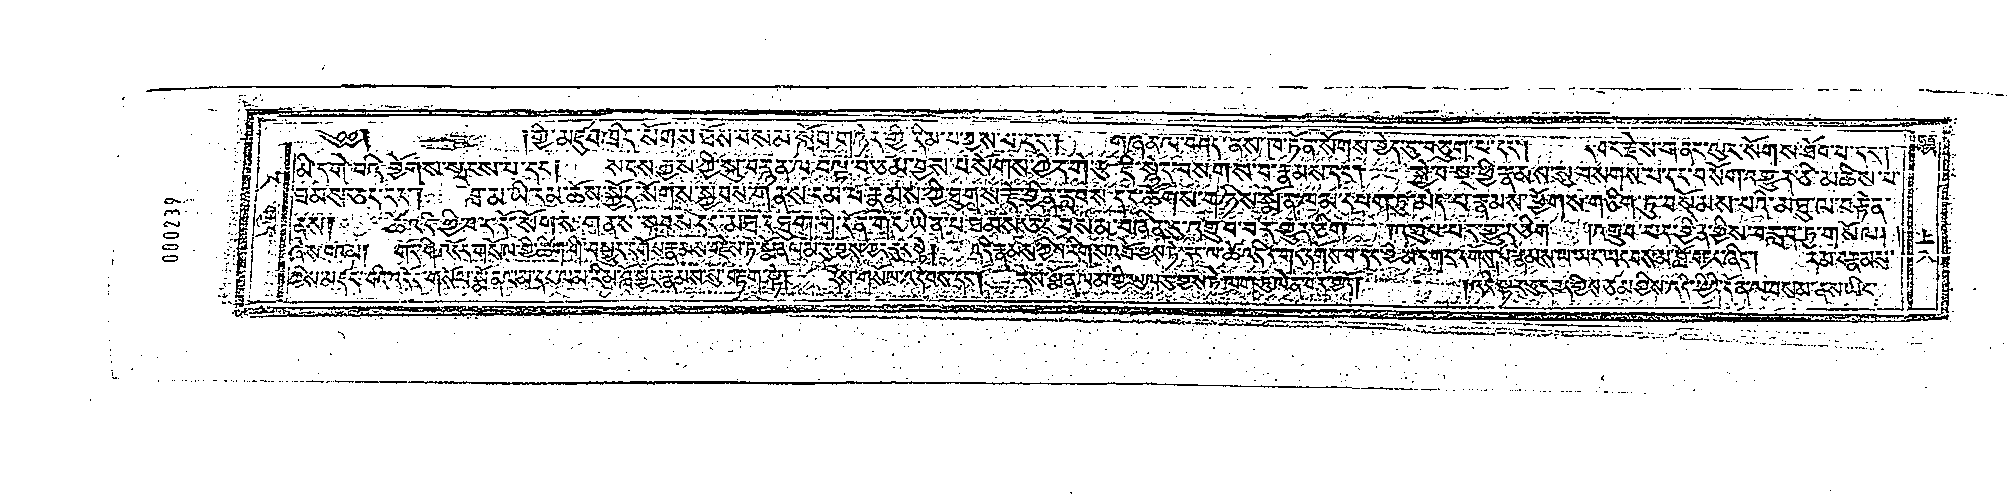༄༅། །གྱི་མཛུབ་ཁྲིད་སོགས་ཐོས་བསམ་སློབ་གཉེར་གྱི་རིམ་པ་བྱས་པ་དང་། གཞན་ལ་བཤད་ནས་ཁ་ཏོན་སོགས་བྱེད་དུ་བཅུག་པ་དང་། དབང་རྗེས་གནང་ལུང་སོགས་ཐོབ་པ་དང་།
མི་དགེ་བའི་ཕྱོགས་སྤངས་པ་དང་། སངས་རྒྱས་ཀྱི་སྐུ་བརྙན་ལ་བལྟ་བ་ཙམ་བྱས་པ་སོགས་ཀྱི་དགེ་རྩ་ཇི་སྙེད་བསགས་བ་རྣམས་དང་། སྐྱེ་བ་སྔ་ཕྱི་རྣམས་སུ་བསགས་པ་དང་བསོག་འགྱུར་ཅི་མཆིས་པ་
ཐམས་ཅད་དང་། བླ་མ་ཡི་དམ་ཆོས་སྐྱོང་སོགས་སྐྱབས་གནས་དམ་པ་རྣམས་ཀྱི་ཐུགས་རྗེ་བྱིན་རླབས་དང་ཚོགས་གཉིས་སྨོན་ལམ་དཔག་ཏུ་མེད་པ་རྣམས་ཕྱོགས་གཅིག་ཏུ་བསྡོམས་པའི་མཐུ་ལ་བརྟེན་
ནས། ཚེ་འདི་ཕྱི་བར་དོ་སོགས་གནས་སྐབས་དང་མཐར་ཐུག་གི་དོན་གང་ཡིན་པ་ཐམས་ཅད་བསམ་བཞིན་དུ་འགྲུབ་པར་གྱུར་ཅིག །འགྲུབ་པར་གྱུར་ཅིག །འགྲུབ་པར་བྱིན་གྱིས་བརླབ་ཏུ་གསོལ། །
ཞེས་བའམ། གོང་གི་འདོད་གསོལ་གྱི་ཚིག་གི་བསྒྱུད་དགོས་རྣམ་བརྗེས་ཏེ་སྨོན་ལམ་དུ་བྱས་ཀྱང་རུང་སྟེ། འདི་རྣམས་ཀྱིས་རིགས་འགྲོ་བྱས་ཏེ་རང་ལ་ཚེ་འདིར་གང་དགོས་བ་དང་བྱི་མར་གང་དགོས་པ་རྣམས་ལ་ཡང་ཡང་བསམ་བློ་བཏང་ཞིང་། དམ་བ་རྣམས་
ཀྱིས་མཛད་བའི་འདོད་གསོལ་སྨོན་ལམ་དང་ལམ་རིམ་བློ་སྐྱོང་རྣམས་སུ་བརྟག་སྟེ། རེས་གསོལ་འདེབས་དང་། རེས་སྨོན་ལམ་གྱི་ཡུལ་དུ་བྱས་ཏེ་ལག་ཏུ་ལེན་བར་བྱའོ། །འདི་ལྟར་ཅུང་ཟད་གྱིས་ཙམ་གྱིས་འདི་ཕྱིའི་དོན་ལ་བསམ་ནས་ཡིད་